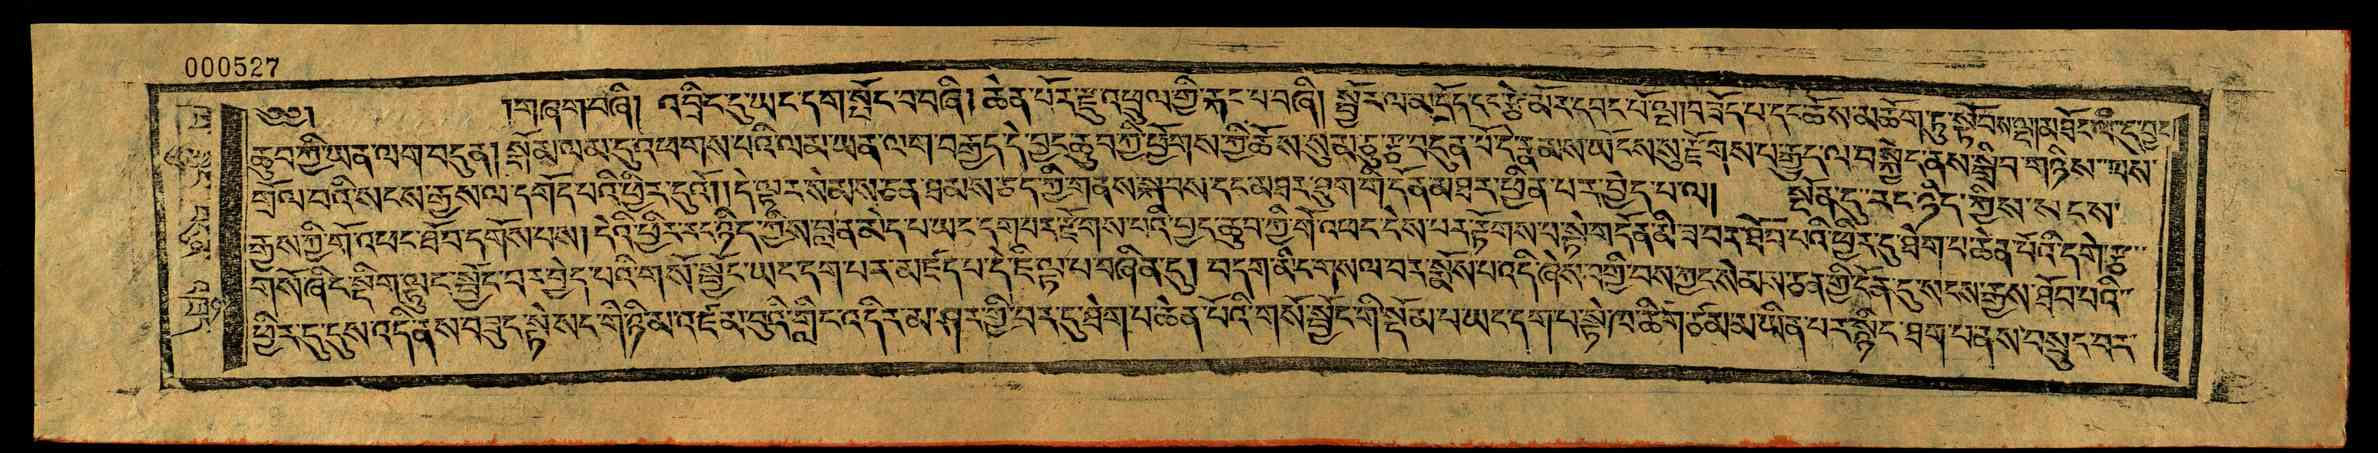༄༅། །གཞག་བཞི། འབྲིང་དུ་ཡང་དག་སྤོང་བ་བཞི། ཆེན་པོ་བརྫུ་འཕྲུལ་གྱི་རྐང་པ་བཞི། སྦྱོར་ལམ་དྲོང་དང་རྩེ་མོར་དབང་པོ་ལྔ། བཟོད་པ་དང་ཆོས་མཆོག་ཏུ་སྟོབས་ལྔ། མཐོང་ལཾ་དུ་བྱང་
ཆུབ་ཀྱི་ཡན་ལག་བདུན། སྒོམ་ལམ་དུ་འཕགས་པའི་ལམ་ཡན་ལག་བརྒྱད་དེ་བྱང་ཆུབ་ཀྱི་ཕྱོགས་ཀྱི་ཆོས་སུམ་ཅུ་རྩ་བདུན་པོ་དེ་རྣམས་ཡོངས་སུ་རྫོགས་པ་རྒྱུད་ལ་བསྐྱེད་ནས་སྒྲིབ་གཉིས་ལས་
གྲོལ་བའི་སངས་རྒྱས་ལ་དགོད་པའི་ཕྱིར་དུའོ། །དེ་ལྟར་སེམས་ཅན་ཐམས་ཅད་ཀྱི་གནས་སྐབས་དང་མཐར་ཐུག་གི་དོན་མཐར་ཕྱིན་པར་བྱེད་པ་ལ། སྔོན་དུ་རང་ཉིད་ཀྱིས་སངས་
རྒྱས་ཀྱི་གོ་འཕང་ཐོབ་དགོས་པས། དེའི་ཕྱིར་རང་ཉིད་ཀྱིས་བླ་ན་མེད་པ་ཡང་དག་པར་རྫོགས་པའི་བྱང་ཆུབ་ཀྱི་གོ་འཕང་ངེས་པར་རྟགས་པ་སྟེ་གདོན་མི་ཟ་བར་ཐོབ་པའི་ཕྱིར་དུ་ཐེག་པ་ཆེན་པོའི་དགེ་རྩ་
གསོ་ཞིང་སྡིག་ལྟུང་སྤྱོད་པར་བྱེད་པའི་གསོ་སྦྱོང་ཡང་དག་པར་མཛད་པར་ཇི་ལྟ་བ་བཞིན་དུ། བདག་མིང་གསལ་བར་སྨོས་པ་འདི་ཞེས་བགྱི་བས་ཀྱང་སེམས་ཅན་གྱི་དོན་དུ་སངས་རྒྱས་ཐོབ་པའི་
ཕྱིར་རུ་དུས་འདི་ནས་བཟུང་སྟེ་སང་གི་ཉི་མ་འཛམ་བུའི་གླིང་འདིར་མ་ཤར་གྱི་བར་དུ་ཐེག་པ་ཆེན་པོའི་གསོ་སྦྱོང་གི་སྡོམ་པ་ཡང་དག་པ་སྟེ་ཁ་ཚིག་ཙམ་མ་ཡིན་པར་སྙིང་ཐག་པ་ནས་བསྲུང་བར་